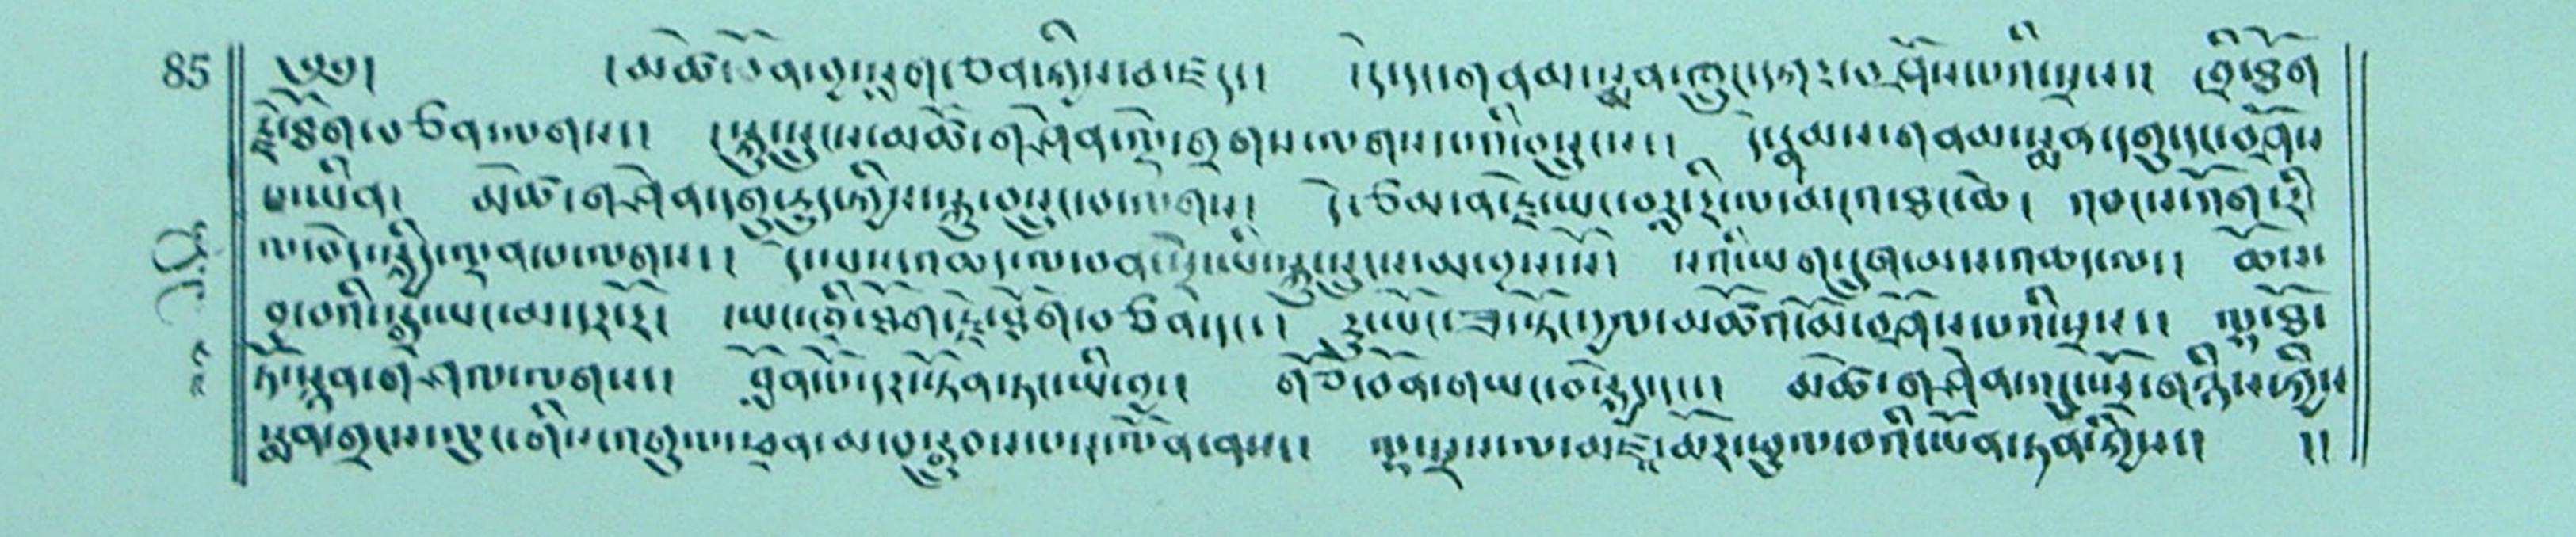༄༅། །མཚེ་བོན་བྱ་སླག་ཅན་གྱིས་མཛད། དེ་དང་གནམ་སྨན་ཁྱུང་དཀར་བཤོས་པའི་སྲས། ཁྲི་ཐོག་
རྗེ་ཐོག་བཙན་ལགས། སྐུ་བསྲུངས་མཚེ་གཤེན་ལྡེ་གྲགས་ལགས་པའི་བསྲུངས། དེ་རྣམས་གནམ་སྨན་དགུ་དང་བཤོས་
པ་ཡིན། མཚེ་གཤེན་དགུ་རྒྱུད་ཀྱིས་སྐུ་བསྲུངས་པ་ལགས། དེ་ཙམ་ན་རྗེ་ཡང་བླ་རི་ལ་མངལ་ཐང་ཆེ། འབངས་འོག་རི་
ལ་བདེ་སྐྱིད་ལྡན་པ་ལགས། དེ་ཡན་འཆད་ལ་བན་སྲེ་སྐུ་བསྲུངས་མ་བྱས་སོ། སའི་ཡག་དྲུག་མན་ཆད་ལ། ཆོས་
བྱ་བའི་སྒྲ་ཡང་མ་དར་རོ། །ཡང་ཁྲི་ཐོག་རྗེ་ཐོག་བཙན་དང་། རུ་ཡོང་ཟ་སྟོང་རྒྱལ་མཚོ་མོ་བཤོས་པའི་སྲས། ལྷ་ཐོ་
ཏོ་སྙན་ཤལ་ལགས། བློན་པོ་དར་སྟོན་ཏང་གིས་བྱ། གཅོ་བོན་གཡང་བསྐྱེད་དང་། མཚེ་གཤེན་འདུ་སྤྲོ་གཉིས་ཀྱི་
སྨན་གྲངས་ལུང་གི་འགུལ་ཕྲན་མ་བསྒྲུབས་པས་ལོན་ནས། ལྷ་སྲས་ལ་མཛའ་མོར་ཕུལ་བའི་ཡོན་ཏན་གྱིས།